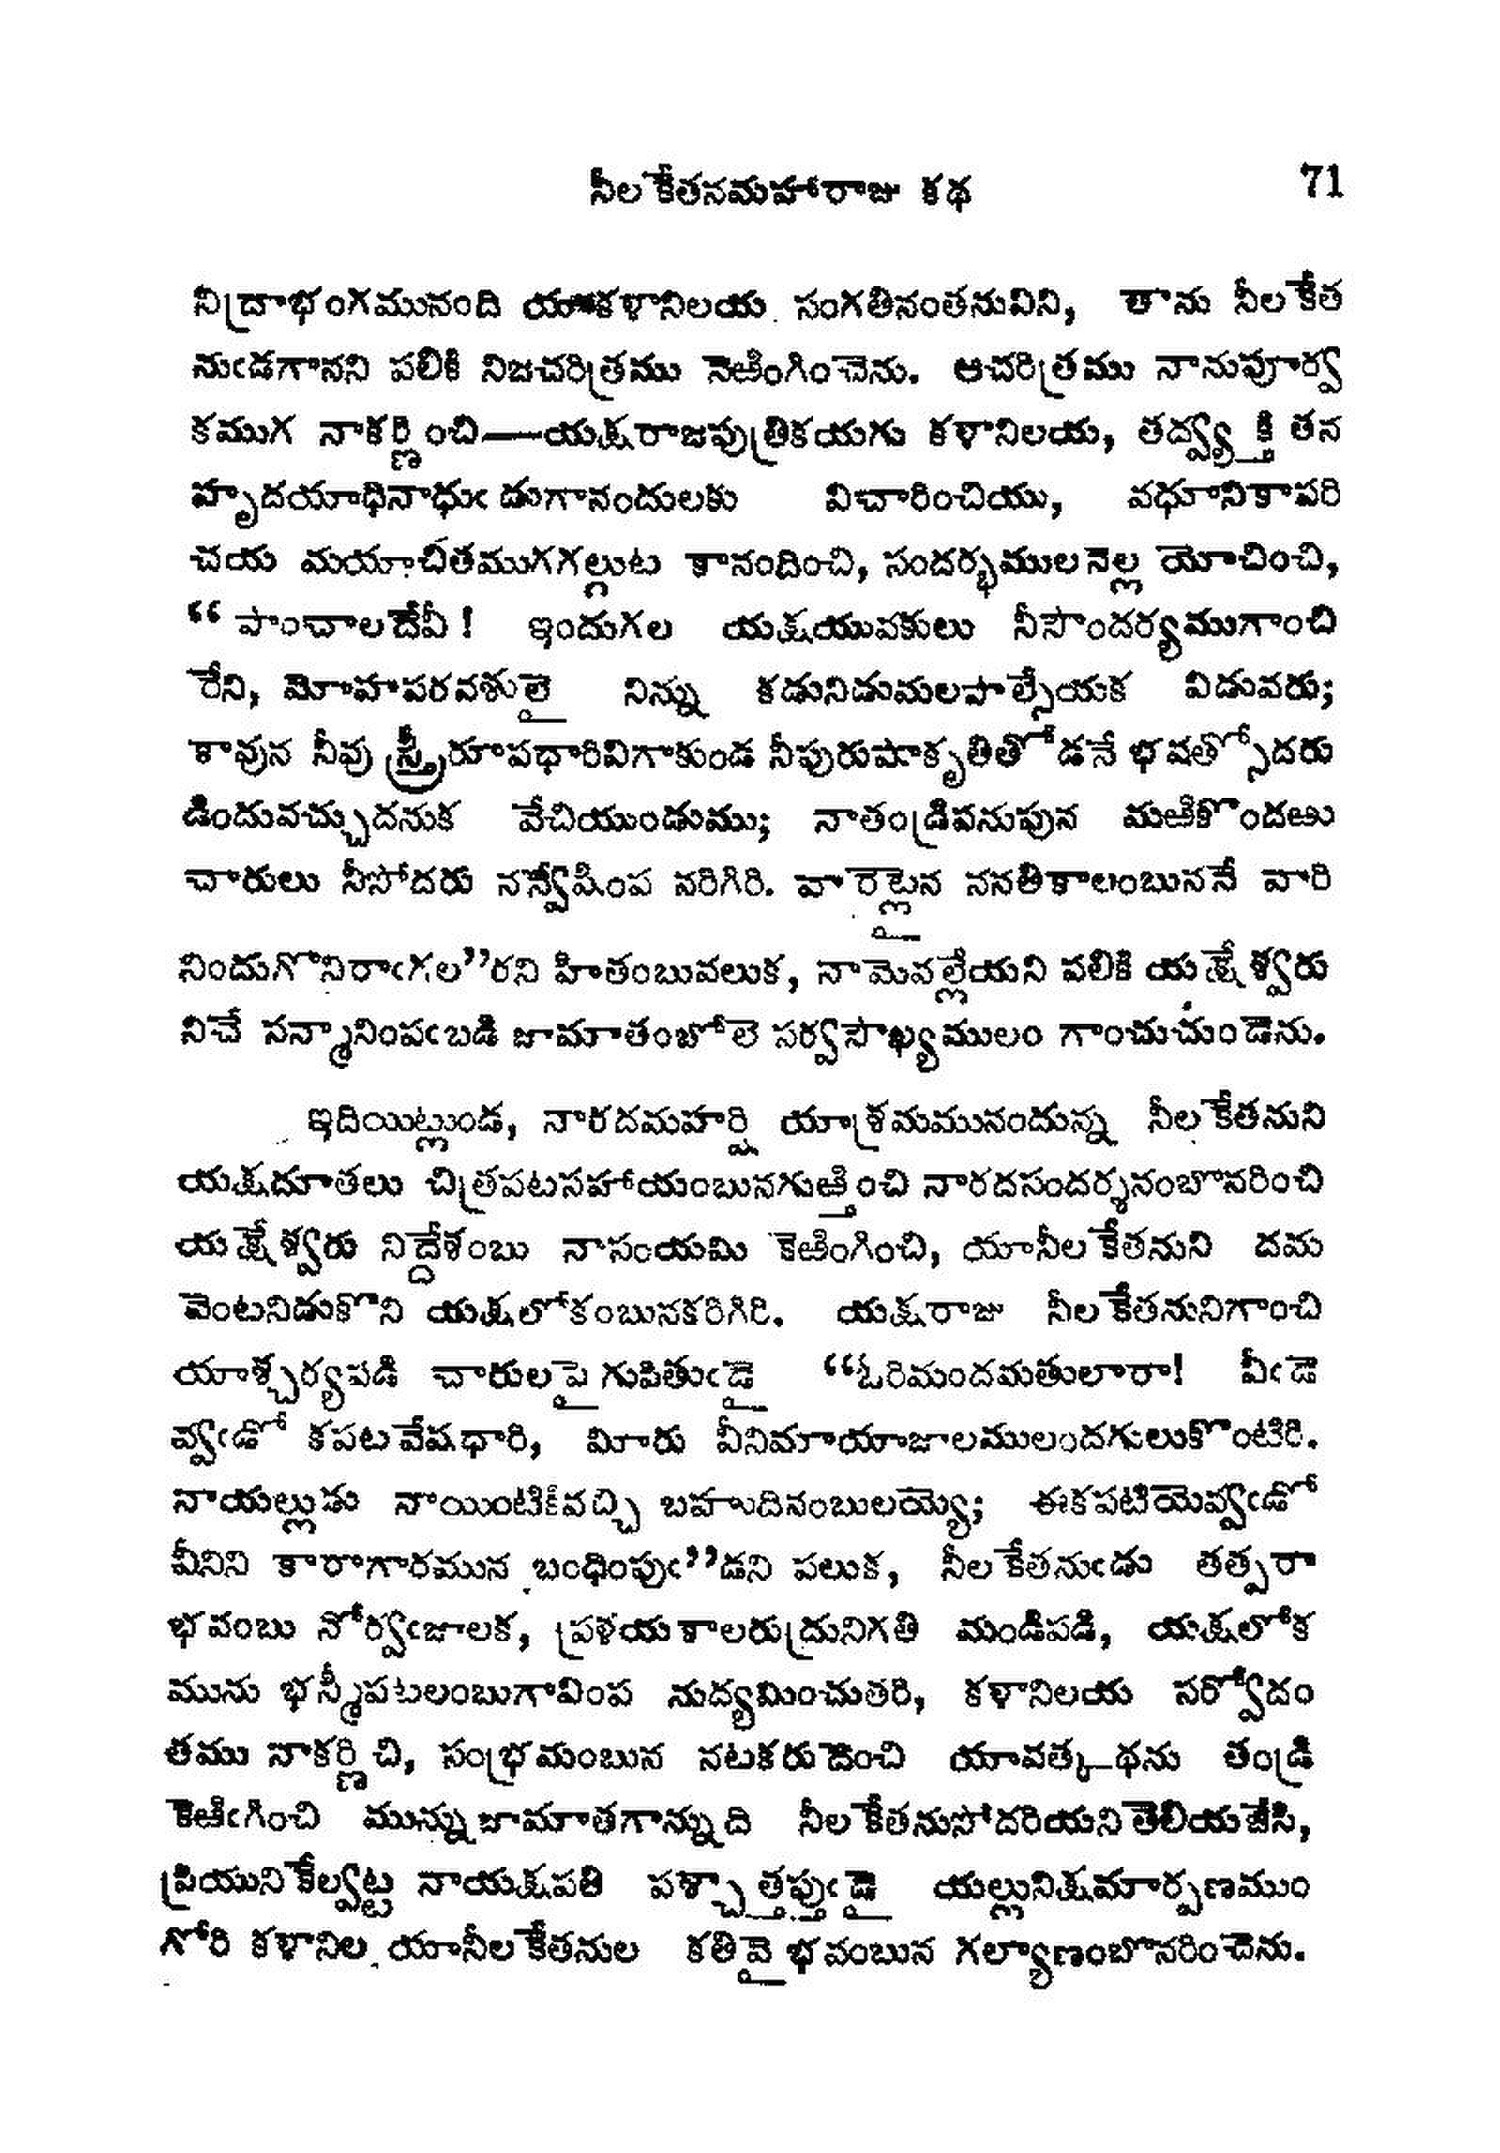నిద్రాభంగమునంది యాకళానిలయ. సంగతినంతనువిని, తాను నీలకేతనుఁడగానని పలికి నిజచరిత్రము నెఱింగించెను. ఆచరిత్రము నానుపూర్వకముగ నాకర్ణించి — యక్ష రాజపుత్రికయగు కళానిలయ, తద్వ్యక్తి తన హృదయాధినాధుఁ డుగానందులకు విచారించియు, వధూనికాపరిచయ మయాచితముగగల్గుట కానందించి, సందర్భముల నెల్ల యోచించి,
“ పాంచాల దేవీ ! ఇందుగల యక్షయువకులు నీ సౌందర్యముగాంచిరేని, మోహపరవశులై నిన్ను కడునిడుమలపాల్సేయక విడువరు; కావున నీవు స్త్రీరూపధారివిగాకుండ నీ పురుషాకృతితోడనే భవత్సోదరు డిందువచ్చుదనుక వేచియుండుము; నాతండ్రిపనుపున మఱికొందఱు చారులు నీసోదరు నన్వేషింప నరిగిరి. వారెట్లైన ననతి కాలంబుననే వారి నిందుగోని రాఁగల"రని హితంబువలుక, నామెవల్లేయని పలికి యక్షేశ్వరునిచే సన్మానింపఁబడి జామాతంబోలె సర్వసౌఖ్యములం గాంచుచుండెను.

ఇదియిట్లుండ, నారదమహర్షి యాశ్రమమునందున్న నీలకేతనుని యక్షదూతలు చిత్రపటసహాయంబునగుఱ్తించి నారదసందర్శనం బొనరించి యక్షేశ్వరు నిద్దేశంబు నాసంయమి కెఱింగించి, యానీల కేతనుని దమ వెంటనిడుకొని యక్షలోకంబునకరిగిరి, యక్షరాజు నీల కేతనునిగాంచి యాశ్చర్యపడి చారులపై గుపితుఁడై "ఓరిమందమతులారా! వీఁడె
వ్వఁడో కపటవేషధారి, మీరు వీనిమాయాజాలములందగులుకొంటిరి. నాయల్లుడు నాయింటికి వచ్చి బహుదినంబులయ్యె; ఈకపటియెవ్వఁడో వీనిని కారాగారమున బంధింపుఁ" డని పలుక, నీలకేతనుఁడు తత్పరాభవంబు నోర్వఁజూలక, ప్రళయకాలరుద్రునిగతి మండిపడి, యక్షలోకమును భస్మీపటలంబుగావింప నుద్యమించుతరి, కళానిలయ సర్వోదంతము
నాకర్ణిచి, సంభ్రమంబున నటకరుచెంచి యావత్కథను తండ్రి కెఱిఁగించి మున్ను జామాతగాన్నుది నీలకేతను సోదరియని తెలియజేసి, ప్రియుని కేల్వట్ట నాయక్షపతి పశ్చాత్తప్తుఁడై యల్లుని క్షమార్పణముం గోరి కళానిల యానీలకేతనుల కతివైభవంబున గల్యాణంబొనరించెను.